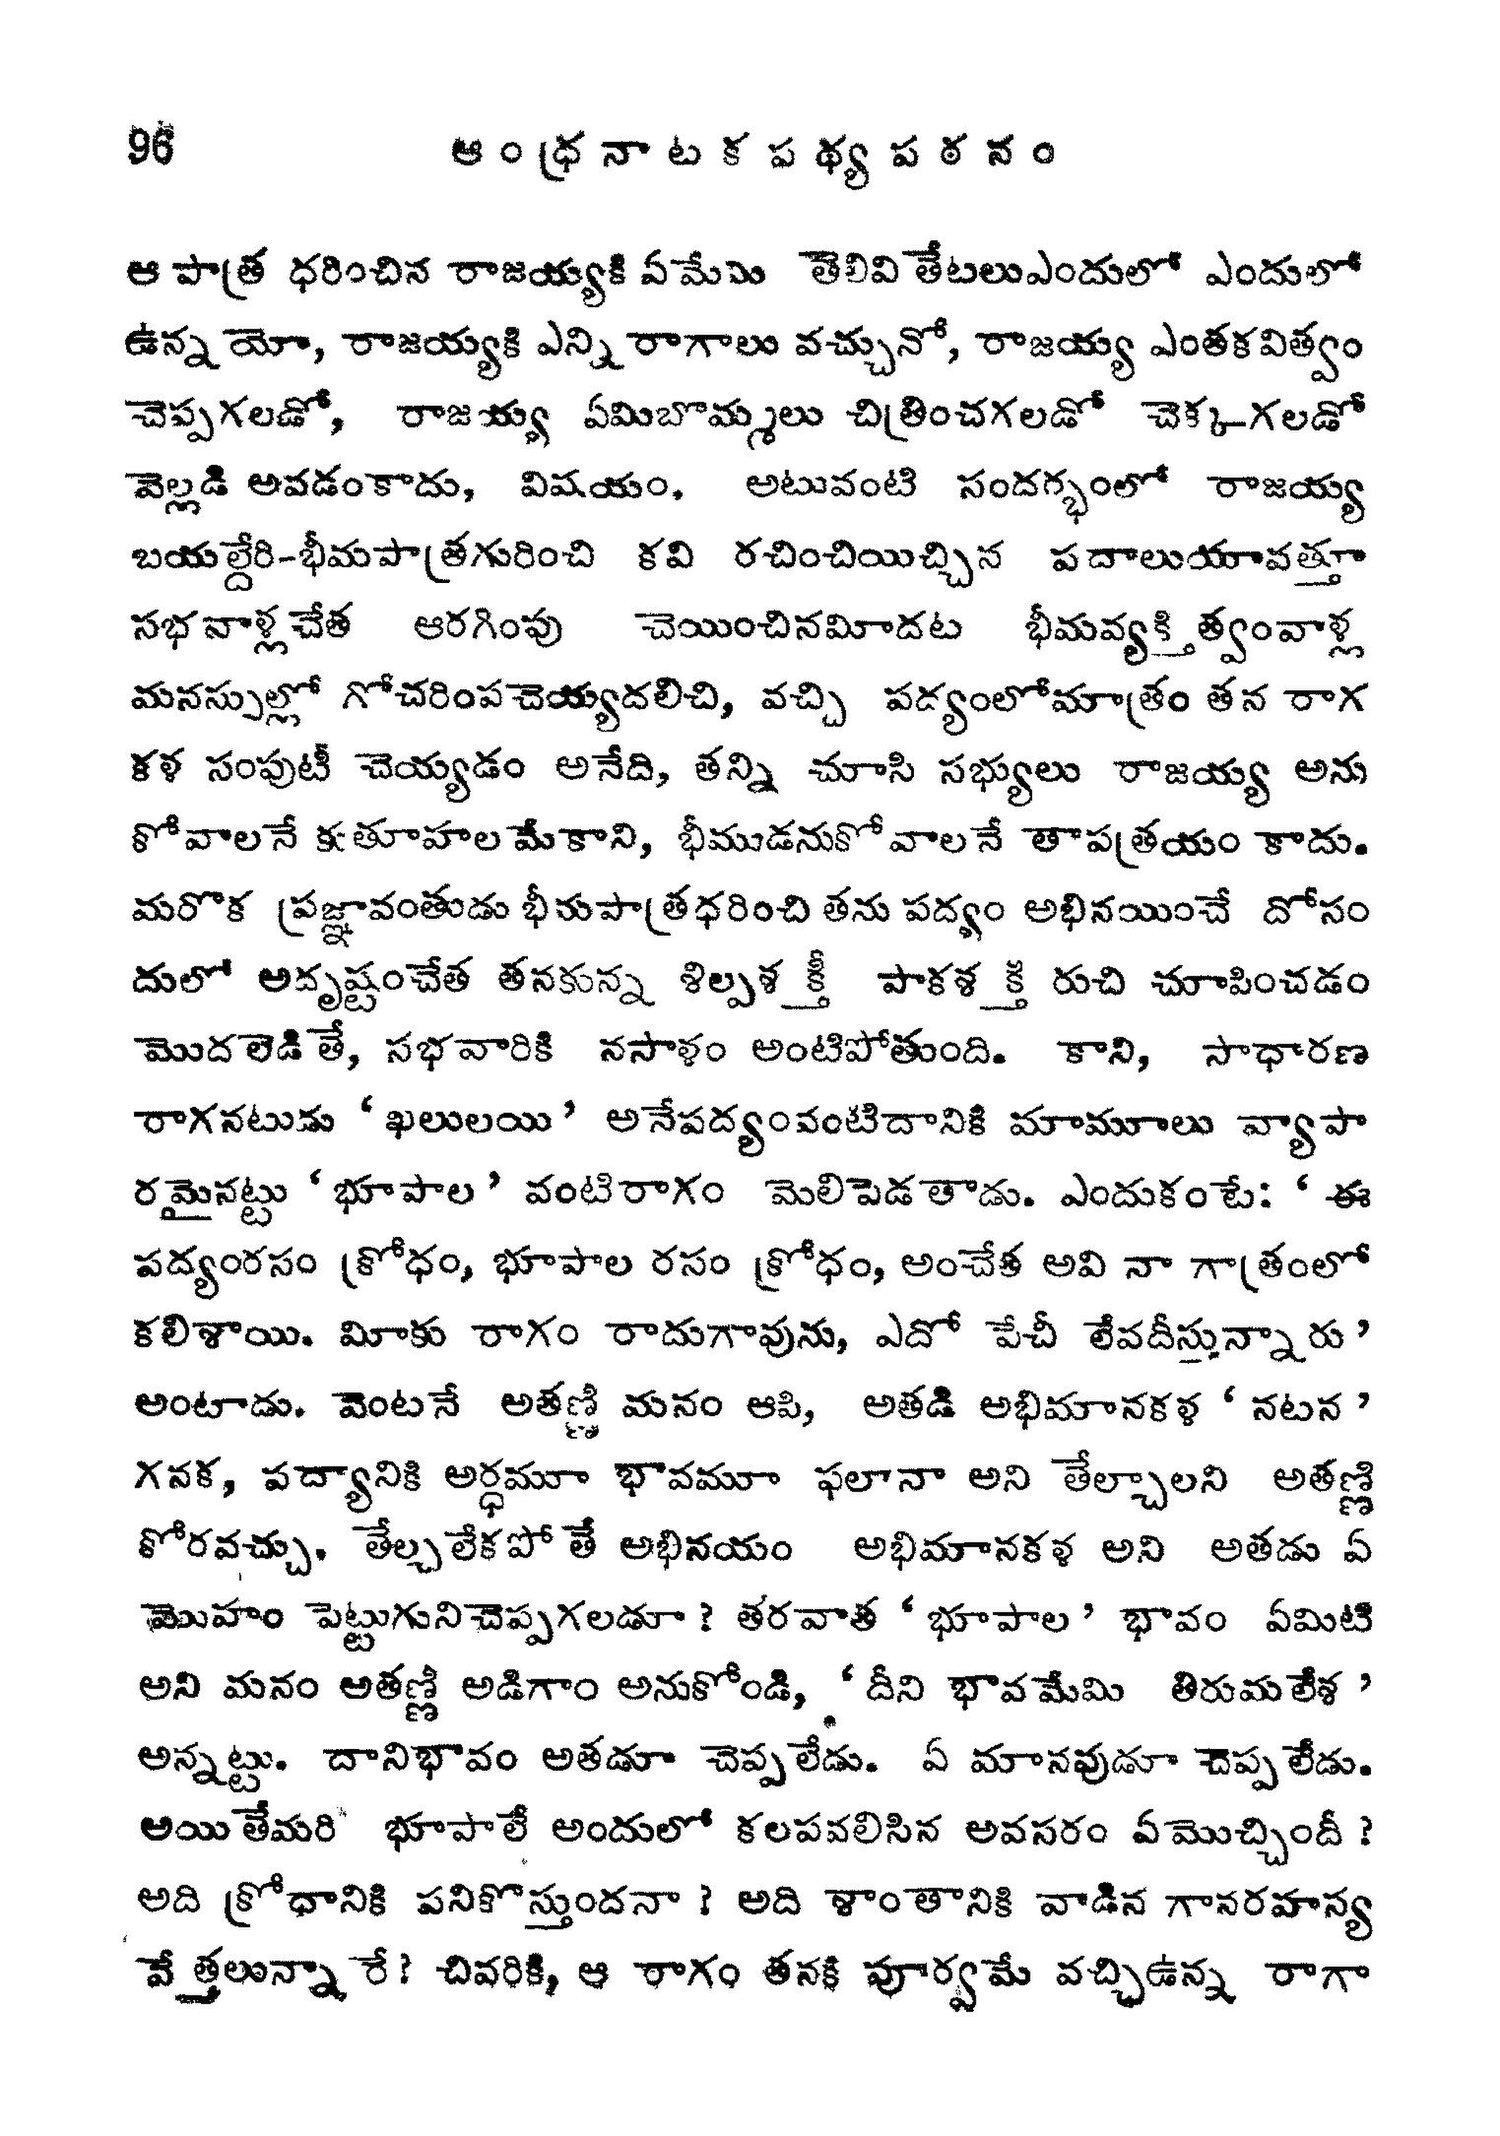ఆ పాత్ర ధరించిన రాజయ్యకి ఏమేమి తెలివితేటలుఎందులో ఎందులో
ఉన్నయో, రాజయ్యకి ఎన్ని రాగాలు వచ్చునో, రాజయ్య ఎంతకవిత్వం
చెప్పగలడో, రాజయ్య ఏమిబొమ్మలు చిత్రించగలడో చెక్కగలడో
వెల్లడి అవడంకాదు, విషయం, అటువంటి సందర్భంలో రాజయ్య
బయల్దేరి-భీమపాత్రగురించి కవి రచించియిచ్చిన పదాలుయావత్తూ
సభవాళ్ల చేత ఆరగింపు చెయించినవిూదట భీమవ్యక్తిత్వంవాళ్ల
మనస్సుల్లో గోచరింపచెయ్యదలిచి, వచ్చి పద్యంలోమాత్రం తన రాగ
కళ సంపుటీ చెయ్యడం అనేది, తన్ని చూసి సభ్యులు రాజయ్య అను
కోవాలనే కుతూహలమేకాని, భీముడనుకోవాలనే తాపత్రయం కాదు.
మరొక ప్రజ్ఞావంతుడు భీమపాత్రధరించి తను పద్యం అభినయించే దోసం
దులో అదృష్టంచేత తనకున్న శిల్పశక్తీ పాకశక్తి రుచి చూపించడం
మొదలెడితే, సభవారికి నసాళం అంటిపోతుంది. కాని, సాధారణ
రాగనటుడు ' ఖలులయి' అనేపద్యంవంటిదానికీ మామూలు వ్యాపా
రమైనట్టు ' భూపాల' వంటిరాగం మెలిపెడతాడు. ఎందుకంటే: ' ఈ
పద్యంరసం క్రోధం, భూపాల రసం క్రోధం, అంచేత అవి నా గాత్రంలో
కలిశాయి. మీకు రాగం రాదుగావును, ఎదో పేచీ లేవదీస్తున్నారు'
అంటాడు. వెంటనే అతణ్ణి మనం ఆపి, అతడి అభిమానకళ ' నటన '
గనక, పద్యానికి అర్ధమూ భావమూ ఫలానా అని తేల్చాలని అతణ్ణి
కోరవచ్చు. తేల్చలేకపోతే అభినయం అభిమానకళ అని అతడు ఏ
మొహం పెట్టుగునిచెప్పగలడూ ? తరవాత ' భూపాల' భావం ఏమిటి
అని మనం అతణ్ణి అడిగాం అనుకోండి, ' దీని భావమేమి తిరుమలేశ ?
అన్నట్టు. దానిభావం అతడూ చెప్పలేడు. ఏ మానవుడూ చెప్ప లేడు.
అయితేమరి భూపాలే అందులో కలపవలిసిన అవసరం ఏమొచ్చిందీ ?
అది క్రోధానికి పనికొస్తుందనా ? అది శాంతానికి వాడిన గానరహస్య
వేత్తలున్నారే? చివరికి, ఆ రాగం తనకి పూర్వమే వచ్చిఉన్న రాగా